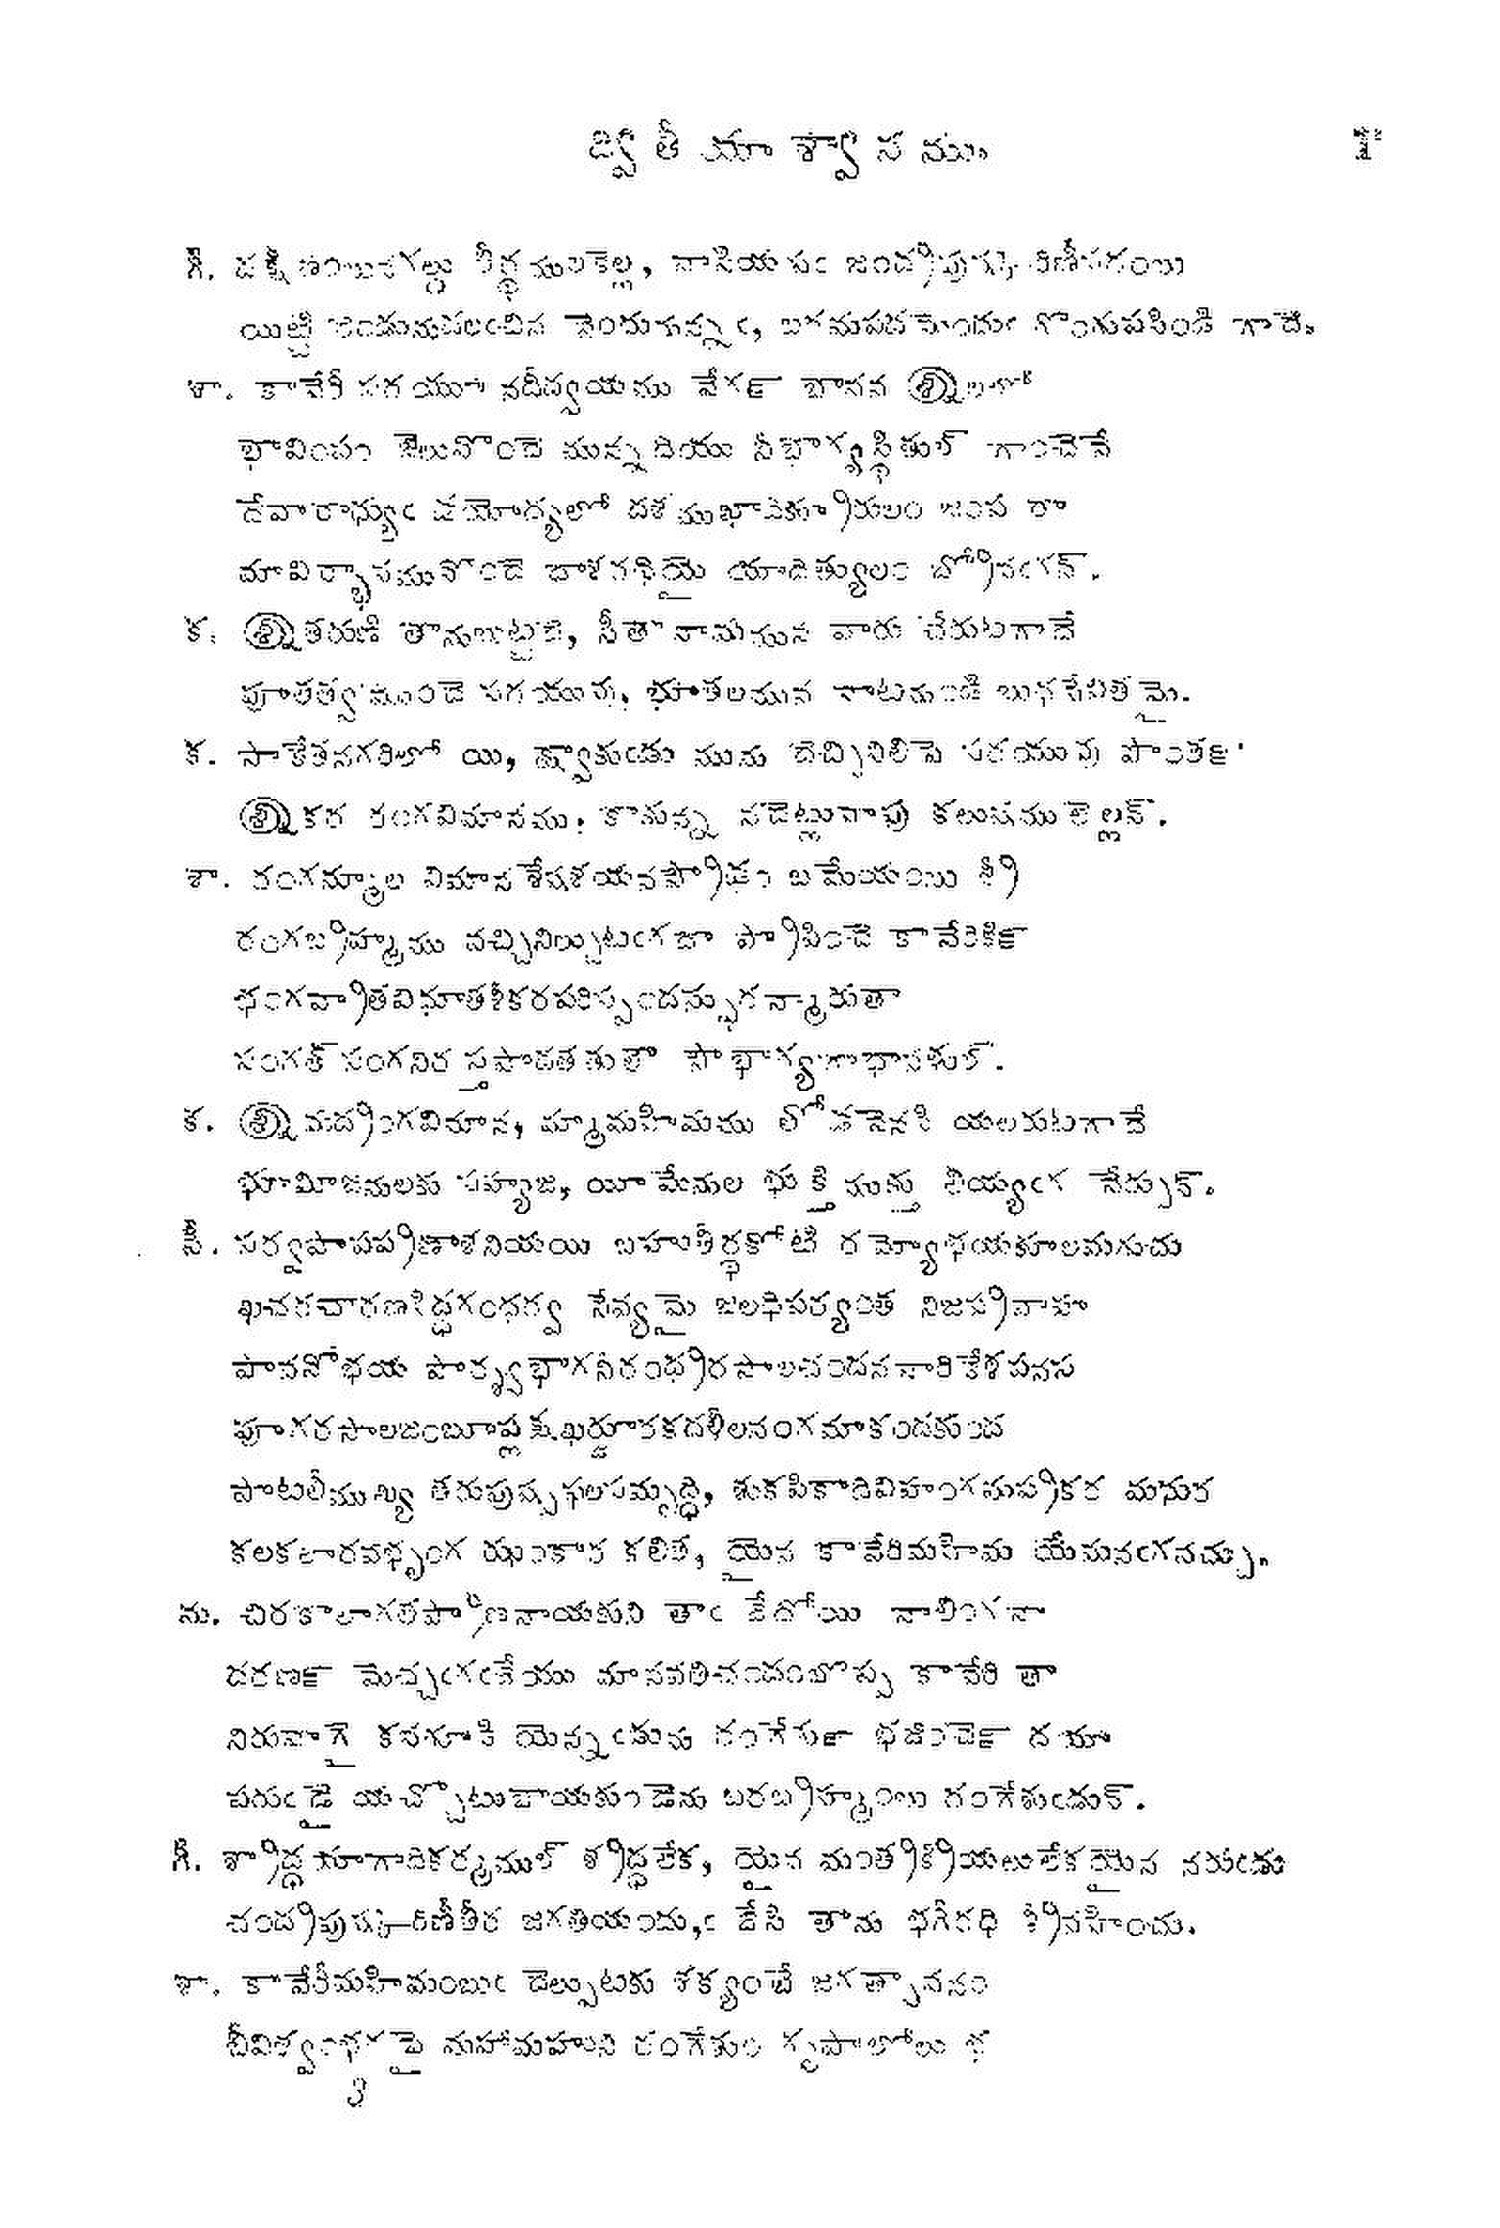గీ. దక్షిణంబునగల్గు తీర్థములకెల్ల , వాసియగుఁ జంద్రపుష్కరిణీసరంబు
 యిట్టి రెండును దలఁచిన నెందుకున్నఁ, బరమపద మెందుఁ గొంగుపసిండి గాదె.
శా. కావేరీ సరయూ నదీద్వయము వేగన్ బాననశ్రీలలో
 భావించం జెలువొందె మున్నదియు నీభాగ్యస్థితుల్ గాంచెనే
 దేవారాధ్యుఁ డయోధ్యలో దశముఖాదిక్రూరులం దంప రా
 మావిర్భావము నొందె దాశరథియై యాదిత్యులం బ్రోవఁగన్.
క. శ్రీతరుణి తాను బుట్టదె, సీతానామమున వారు చేరుటగాదే
 పూతత్వ మొందె సరయును, భూతలమున నాటనుండి బుధసేవితమై.
క. సాకేతనగరిలో యి, క్ష్వాకుఁడు మును దెచ్చినిలిపె సరయువు పొంతన్
 శ్రీకర రంగవిమానము , కానున్న నదెట్లు వాపు కలుషము లెల్లన్.
శా. రంగన్మూల విమానశేషశయనప్రౌఢం బమేయంబు శ్రీ
 రంగబ్రహ్మము వచ్చినిల్చుటఁగదా ప్రాపించె కావేరికిన్
 భంగవ్రాతవిధూతశీకరపరిస్పందస్ఫురన్మారుతా
 సంగత్ సంగనిరస్తపాదతతులౌ సౌభాగ్యగాథావళుల్.
క. శ్రీమద్రంగవిమాన, మ్మామహిమము తోడనెనసి యలరుటగాదే
 భూమీజనులకు సహ్యజు, యీమేనుల భుక్తిముక్తు లియ్యఁగ నేర్పున్.
సీ. సర్వపాపప్రణాశనియయి బహుతీర్థకోటి రమ్యోభయకూలమగుచు
 ఖచరచారణసిద్ధగంధర్వసేవ్యమై జలదిపర్యంతనిజప్రవాహ
 పావనోభయపార్శ్వభాగనీరంధ్రరసాలచందననారికేళపనస
 పూగరసాలజంబూప్లక్షఖర్జూరకదళీలనంగమాకందకుంద
 పాటలీముఖ్యతరుపుష్పఫలసమృద్ధి, శుకపికాగివిహంగమప్రకరమధుర
 కలకలారవభృంగఝంకారకలిత, యైన కావేరిమహిమ యేమనఁగవచ్చు.
మ. చిరకాలాగతప్రాణనాయకుని తాఁ జేదోయు నాలింగనా
 దరణన్ మెచ్చఁగఁజేయు మానవతిచందం బొప్ప కావేరి తా
 నిరువాగై కనగూడి యెన్నఁడును రంగేశున్ భజించెన్ దయా
 పరుఁడై యచ్చోటు బాయకుండెను బరబ్రహ్మంబు రంగేశుఁడున్.
గీ. శ్రాద్ధయాగాదికర్మముల్ శ్రద్ధలేక, యైన మంత్రక్రియలు లేకయైన నరుఁడు
 చంద్రపుష్కరిణీతీరజగతియందుఁ, జేసి తాను భగీరథి శ్రీవహించు.
శా. కావేరీమహిమంబుఁ దెల్పుటకు శక్యంబే జగత్పావనం
 బీవిశ్వంభరపై మహామహుని రంగేశుం గృపాలోలు భ